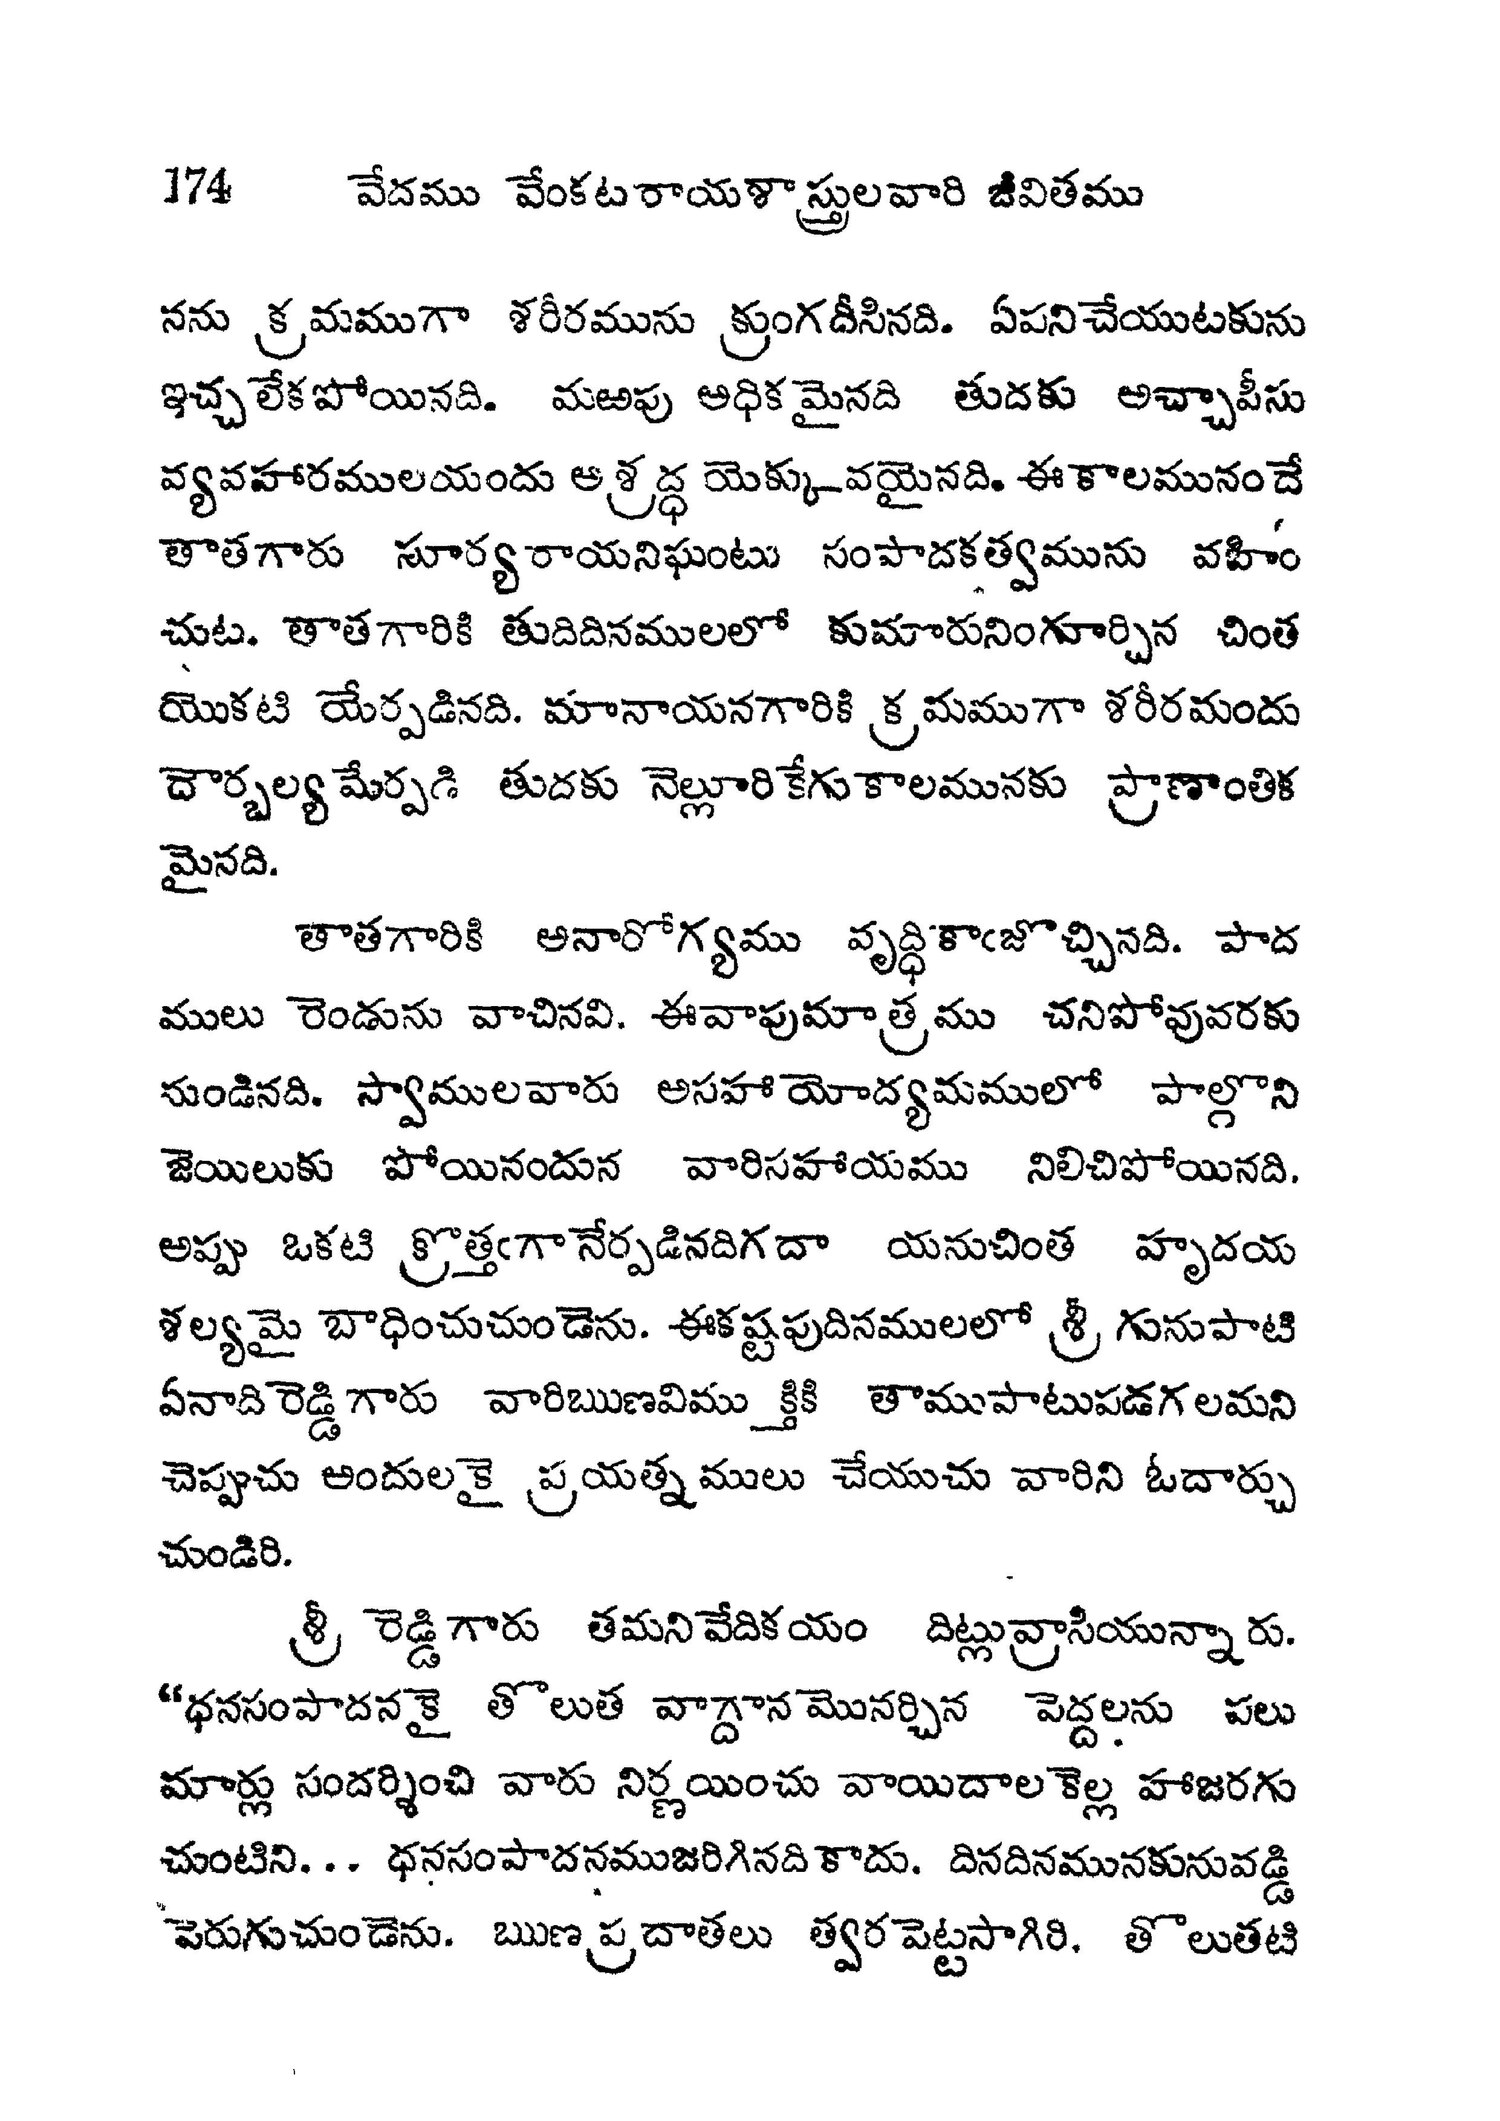నను క్రమముగా శరీరమును క్రుంగదీసినది. ఏపనిచేయుటకును ఇచ్చలేకపోయినది. మఱపు అధికమైనది తుదకు అచ్చాపీసు వ్యవహారములయందు అశ్రద్ధ యెక్కువయైనది. ఈకాలమునందే తాతగారు సూర్యరాయనిఘంటు సంపాదకత్వమును వహించుట. తాతగారికి తుదిదినములలో కుమారునింగూర్చిన చింతయొకటి యేర్పడినది. మానాయనగారికి క్రమముగా శరీరమందు దౌర్బల్యమేర్పడి తుదకు నెల్లూరికేగుకాలమునకు ప్రాణాంతికమైనది.

తాతగారికి అనారోగ్యము వృద్ధికాజొచ్చినది. పాదములు రెండును వాచినవి. ఈవాపుమాత్రము చనిపోవువరకు నుండినది. స్వాములవారు అసహాయోద్యమములో పాల్గొని జెయిలుకు పోయినందున వారిసహాయము నిలిచిపోయినది. అప్పు ఒకటి క్రొత్తగానేర్పడినదిగదా యనుచింత హృదయశల్యమై బాధించుచుండెను. ఈకష్టపుదినములలో శ్రీ గునుపాటి ఏనాదిరెడ్డిగారు వారిఋణవిముక్తికి తాముపాటుపడగలమని చెప్పుచు అందులకై ప్రయత్నములు చేయుచు వారిని ఓదార్చు చుండిరి.

శ్రీ రెడ్డిగారు తమనివేదికయం దిట్లువ్రాసియున్నారు. "ధనసంపాదనకై తొలుత వాగ్దానమొనర్చిన పెద్దలను పలుమార్లు సందర్శించి వారు నిర్ణయించు వాయిదాలకెల్ల హాజరగు చుంటిని.... ధనసంపాదనము జరిగినది కాదు. దినదినమునకును వడ్డి పెరుగుచుండెను. ఋణప్రదాతలు త్వరపెట్టసాగిరి. తొలుతటి